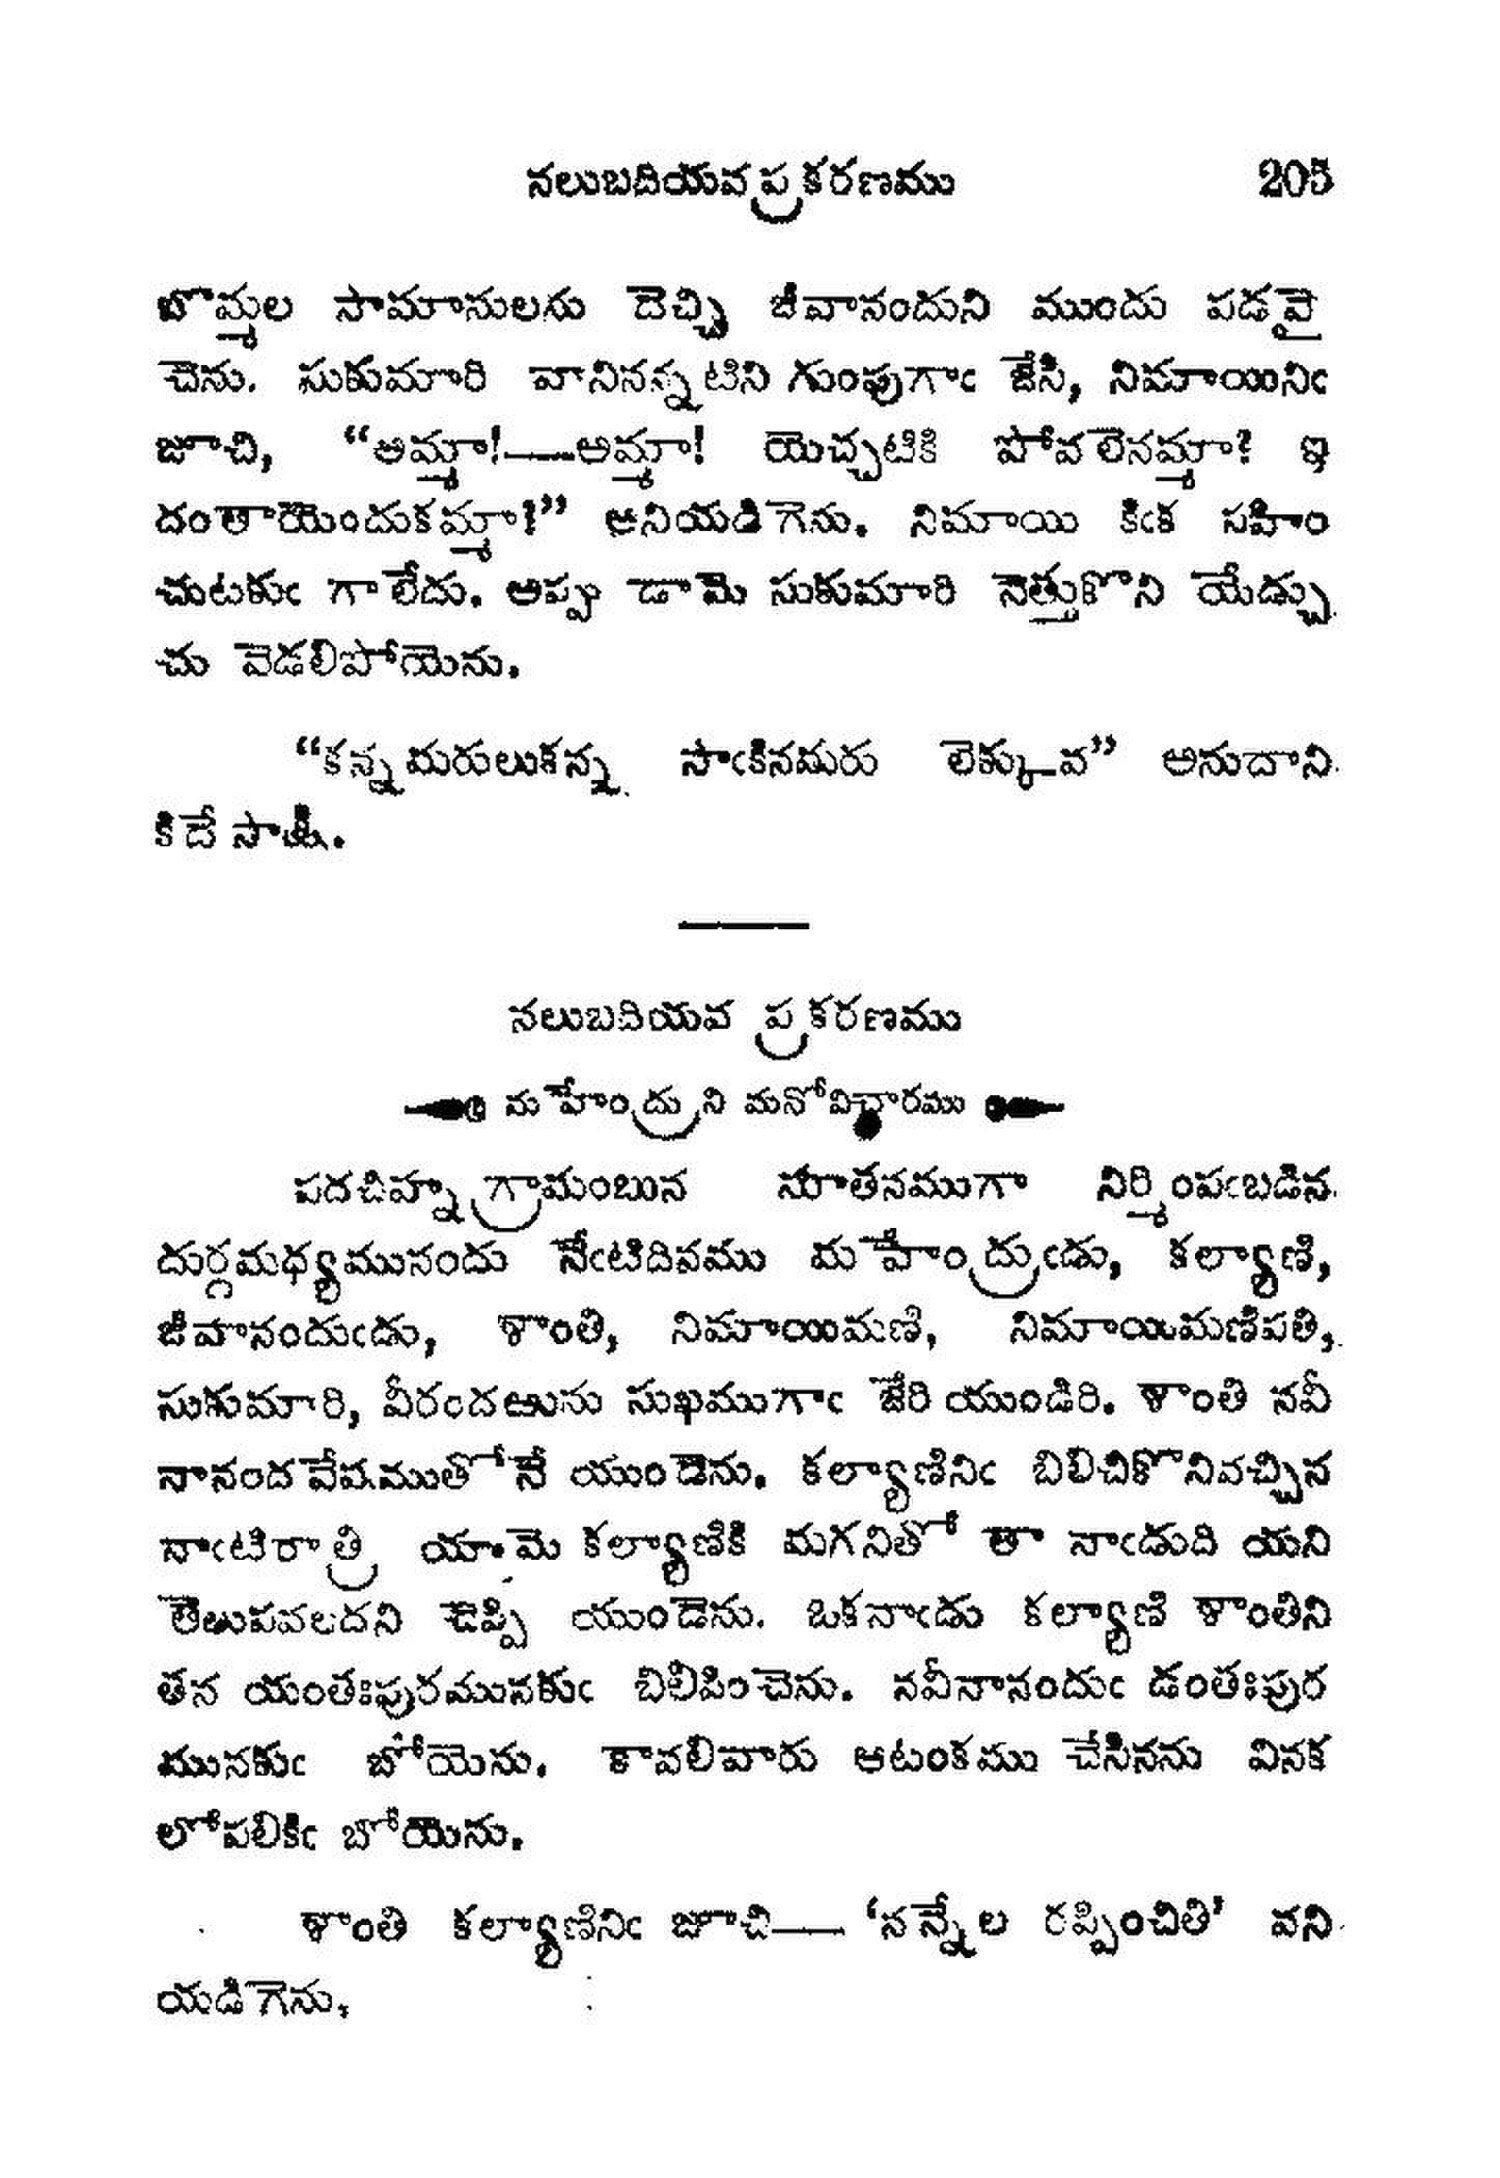బొమ్మల సామానులను దెచ్చి జీవానందుని ముందు పడవైచెను. సుకుమారి వానినన్నటిని గుంపుగాఁ జేసి, నిమాయినిఁ
జూచి, “అమ్మా! అమ్మా! యెచ్చటికి పోవలెనమ్మా? ఇదంతాయెందుకమ్మా!" ఆనియడిగెను. నిమాయి కిఁక సహించుటకుఁ గాలేదు. అప్పుడామె సుకుమారి నెత్తుకొని యేడ్చుచు వెడలిపోయెను.

“కన్న మరులుకన్న సాఁకినమరు లెక్కువ” అనుదానికిదే సాక్షి.

నలుబదియవ ప్రకరణము

మహేంద్రుని మనోవిచారము

పదచిహ్న గ్రామంబున నూతనముగా నిర్మింపఁబడిన దుర్గమధ్యమునందు నేఁటిదినము మహేంద్రుఁడు, కల్యాణి,
జీవానందుఁడు, శాంతి, నిమాయిమణి, నిమాయిమణిపతి, సుకుమారి, వీరందఱును సుఖముగాఁ జేరి యుండిరి. శాంతి నవీనానంద వేషముతోనే యుండెను. కల్యాణినిఁ బిలిచి కొనివచ్చిన నాఁటి రాత్రి యామె కల్యాణికి మగనితో తా నాఁడుది యని తెలుపవలదని చెప్పి యుండెను. ఒకనాఁడు కల్యాణి శాంతిని తన యంతఃపురమునకుఁ బిలిపించెను. నవీనానందుఁ డంతఃపురమునకుఁ బోయెను. కావలివారు ఆటంకము చేసినను వినక లోపలికిఁ బోయెను.

శాంతి కల్యాణినిఁ జూచి——'నన్నేల రప్పించితి' వని యడిగెను.